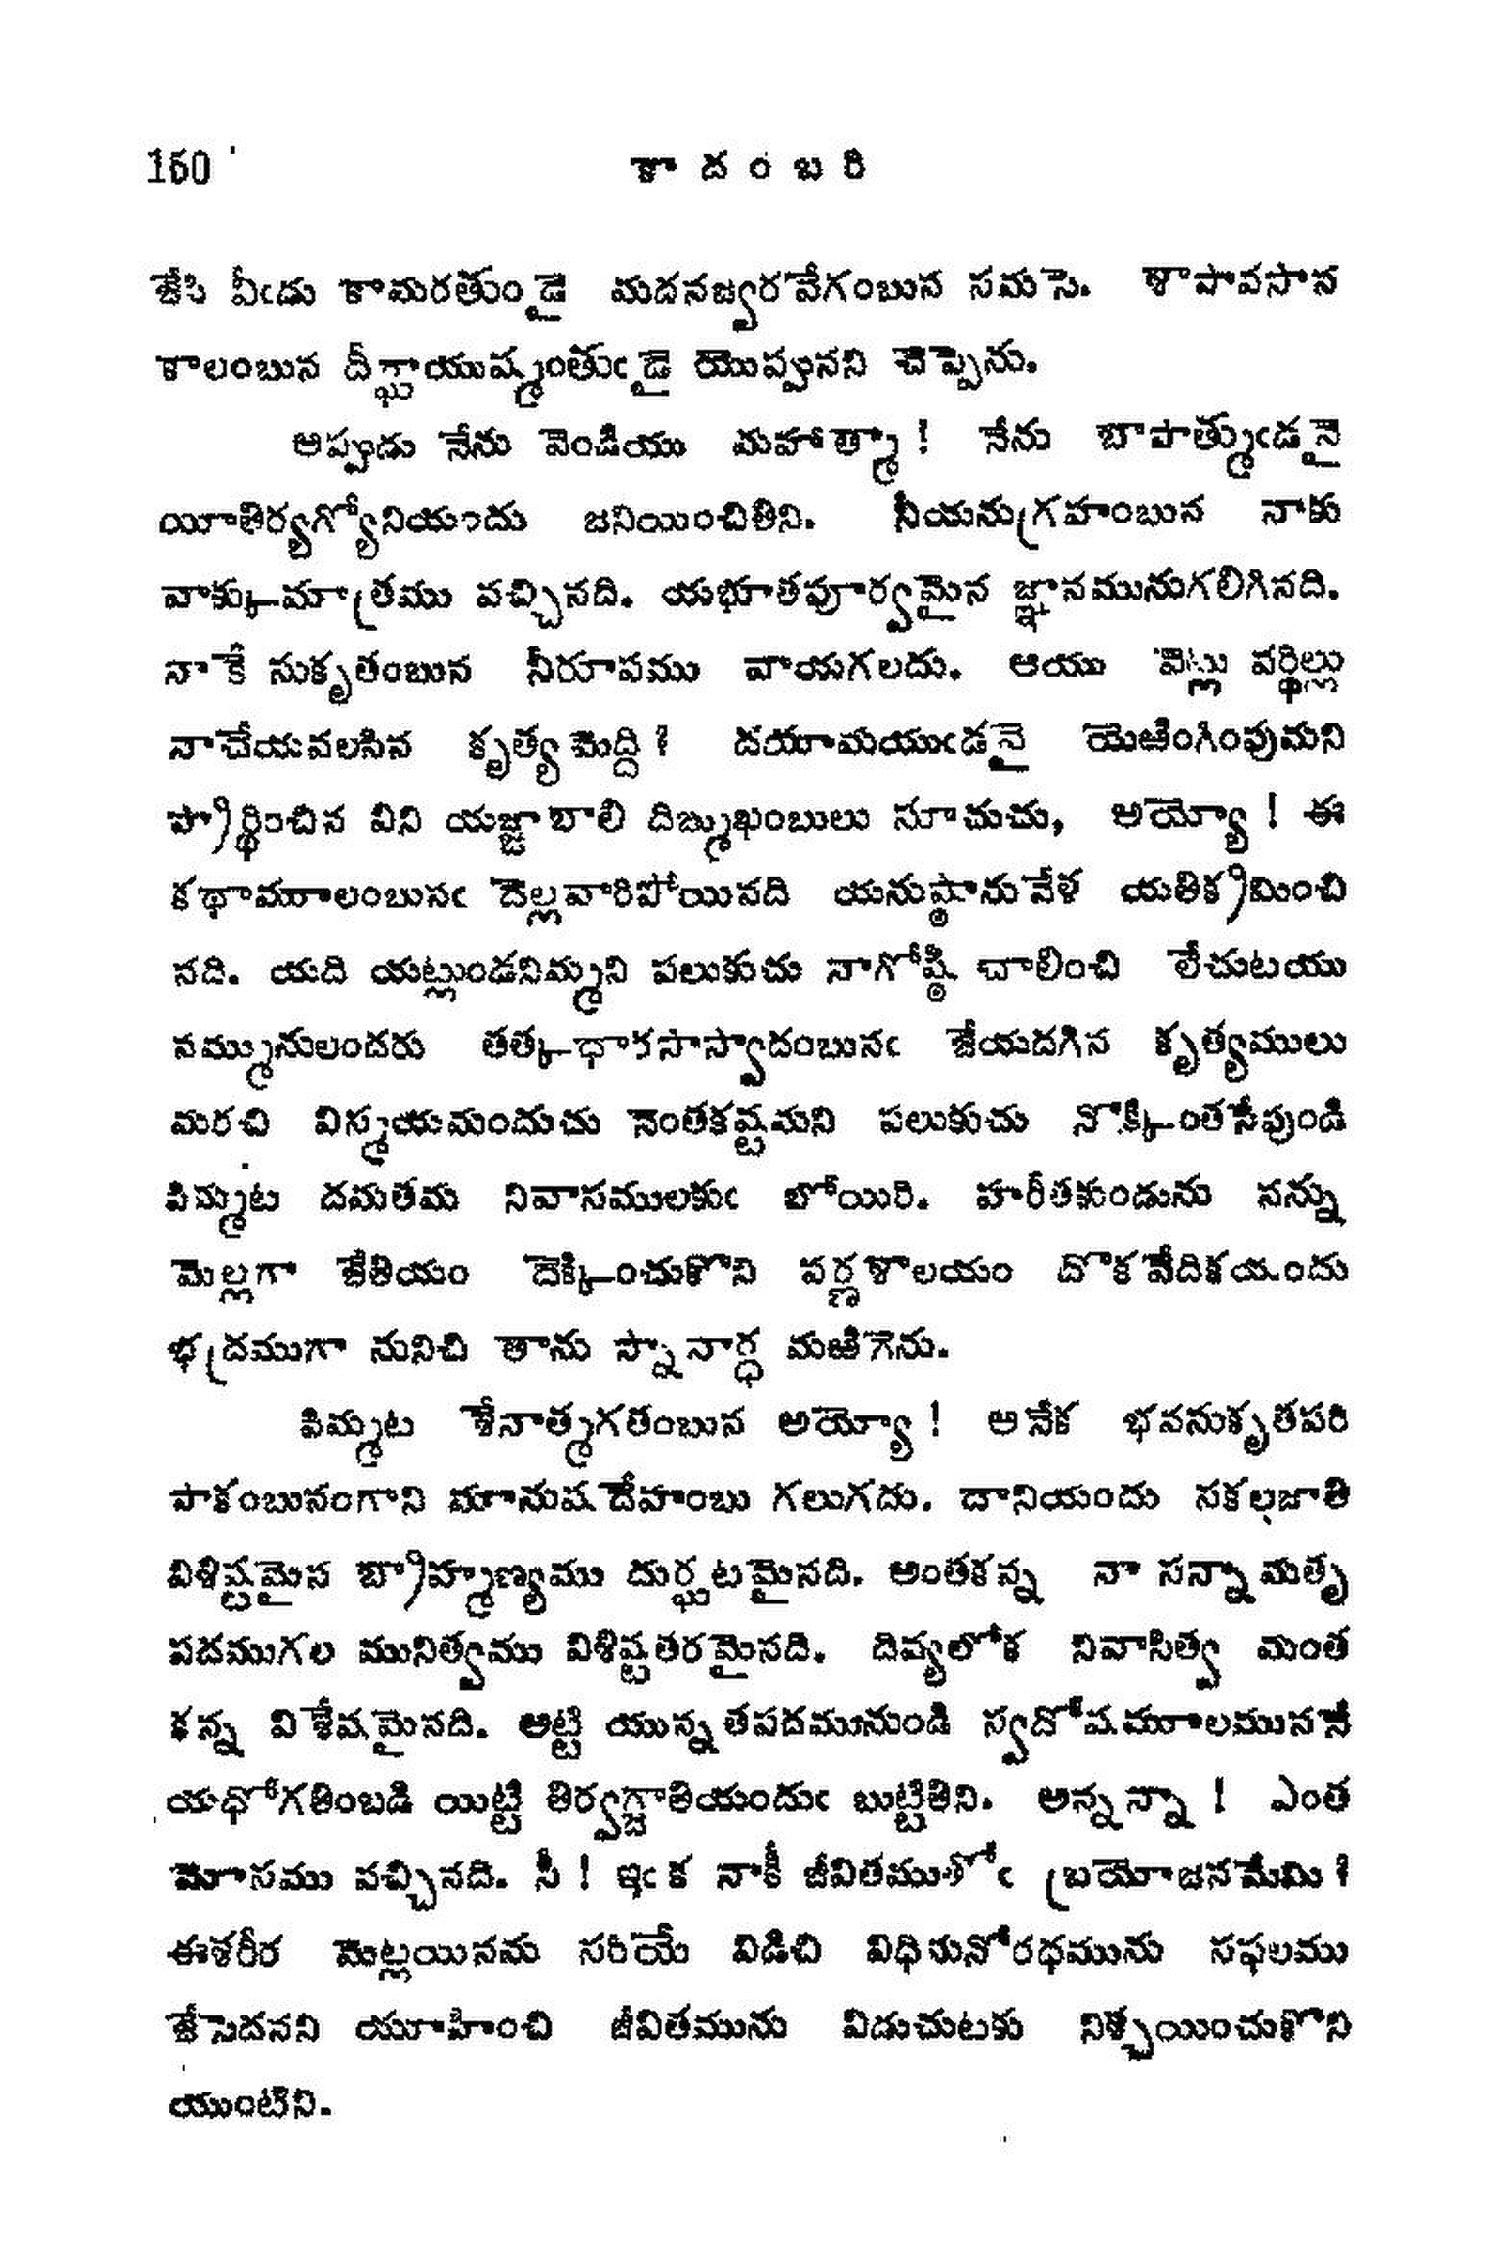జేసి వీఁడు కామరతుండై మదనజ్వరవేగంబున సమసె. శాపావసాన కాలంబున దీర్ఘాయుష్మంతుఁడై యొప్పునని చెప్పెను.

అప్పుడు నేను వెండియు మహాత్మా! నేను బాపాత్ముఁడైనై యీతిర్యగ్యోనియందు జనియించితిని. నీయనుగ్రహంబున నాకు వాక్కుమాత్రము వచ్చినది. యభూతపూర్వమైన జ్ఞానమునుగలిగినది. నా కే సుకృతంబున నీరూపము వాయగలదు. ఆయు వెట్లు వర్థిల్లు నాచేయవలసిన కృత్యమెద్ది? దయామయుఁడవై యెఱింగింపుమని ప్రార్థించిన విని యజ్జాబాలి దిఙ్ముఖంబులు సూచుచు, అయ్యో! ఈ కథామూలంబునఁ దెల్లవారిపోయినది యనుష్ఠానువేళ యతిక్రమించినది. యది యట్లుండనిమ్మని పలుకుచు నాగోష్ఠి చాలించి లేచుటయు నమ్మునులందరు తత్కధారసాస్వాదంబునఁ జేయదగిన కృత్యములు మరచి విస్మయమందుచు నెంతకష్టమని పలుకుచు నొక్కింతసేపుండి పిమ్మట దమతమ నివాసములకుఁ బోయిరి. హరీతకుండును నన్ను మెల్లగా జేతియం దెక్కించుకొని వర్ణశాలయం దొకవేదికయందు భద్రముగా నునిచి తాను స్నానార్ధ మఱిగెను.

పిమ్మట శేనాత్మగతంబున అయ్యో! అనేక భవసుకృతపరిపాకంబునంగాని మానుషదేహంబు గలుగదు. దానియందు సకలజాతి విశిష్టమైన బ్రాహ్మణ్యము దుర్ఘటమైనది. అంతకన్న నా సన్నామతృ పదముగల మునిత్వము విశిష్టతరమైనది. దివ్యలోక నివాసిత్వ మంతకన్న విశేషమైనది. అట్టి యున్నతపదమునుండి స్వదోషమూలముననే యధోగతింబడి యిట్టి తిర్వగ్జాతియందుఁ బుట్టితిని. అన్నన్నా! ఎంత మోసము వచ్చినది. సీ! ఇఁక నాకీ జీవితముతోఁ బ్రయోజనమేమి? ఈశరీర మెట్లయినను సరియే విడిచి విధిమనోరధమును సఫలము జేసెదనని యూహించి జీవితమును విడుచుటకు నిశ్చయించుకొని యుంటిని.